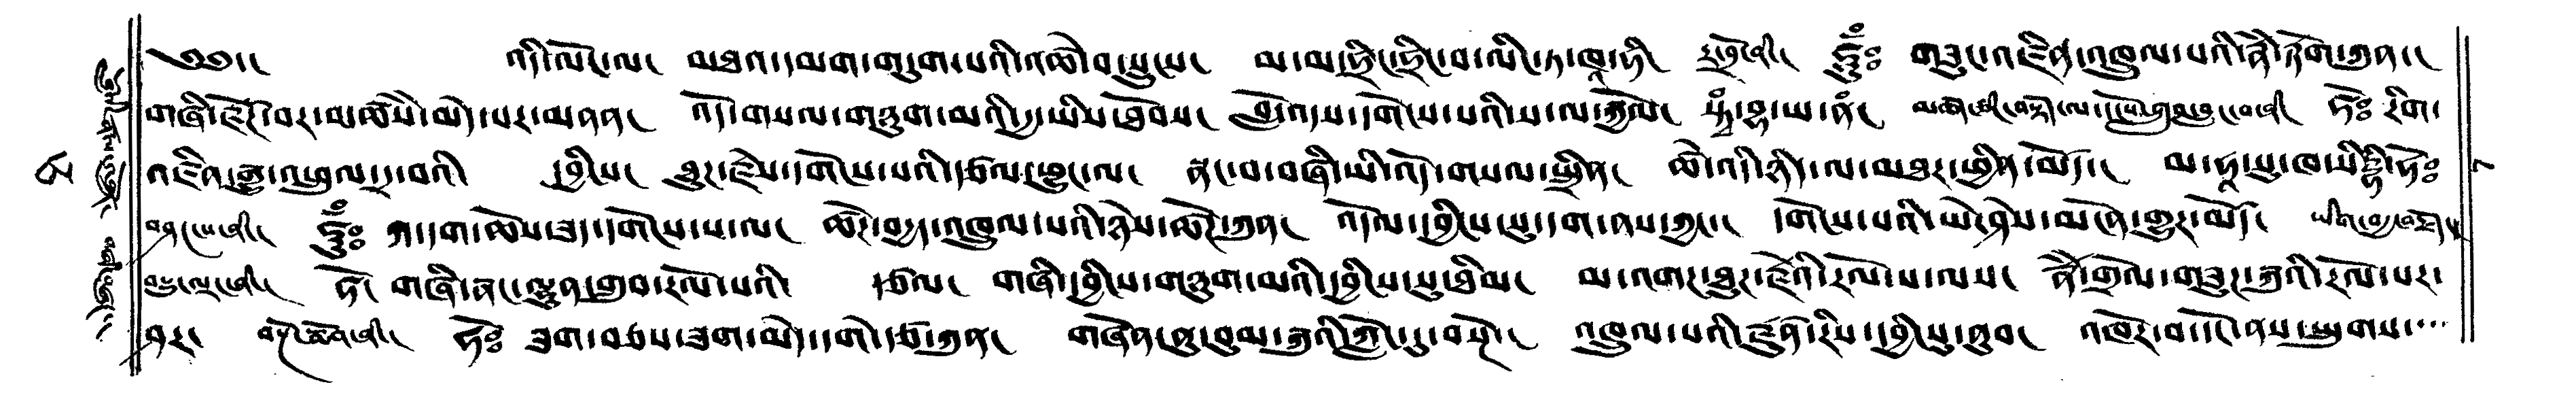འདི་ལོངས་ལ། །མཐའ་དམག་གདུག་པའི་འཚེ་བ་སྲུངས། མ་མ་ཧྲིང་ཧྲིང་བ་ལིངྟ་ཁཱ་ཧིཿ རྟ་བྲོ་ནི། ཧཱུྃ། གཟུང་འཛིན་འཁྲུལ་པའི་རྣམ་རྟོག་ཀུན། །
གཞི་རྫོགས་བར་མཚམས་མེད་པར་མནན། །འོད་གསལ་གཉུག་མའི་རྒྱ་ཡིས་ཐེབས། །བློ་འདས་དགོངས་པའི་ས་ལ་སྐྱོལ། སྟྭཾ་བྷ་ཡ་ནན། མཆོད་ཅིང་བསྟོད་ལ་དངོས་གྲུབ་བླང་བ་ནི།ཧོ། རིག་
འཛིན་སྒྱུ་འཕྲུལ་དྲྭ་བའི་དབྱིངས། །ཐུགས་རྗེས་དགོངས་པའི་རྩལ་ཕྱུང་ལ། །སྣང་བ་བཞི་ཡི་འོད་གསལ་སྤྲིན། །ཚེ་འདི་ཉིད་ལ་མཐར་ཕྱིན་མཛོད། །མ་ཧཱ་སུ་ཁ་སིདྡྷི་ཧོཿ 
བཤགས་པ་ནི། ཧཱུྃ། ཀ་དག་ཆོས་ཟད་དགོངས་པ་ལ། །ཚོགས་བརྒྱད་འཁྲུལ་པའི་ཉེས་ཚོགས་ཀུན། །འོད་གསལ་དབྱིངས་སུ་དག་ནས་ཀྱང་། །དགོངས་པའི་ཡེ་ཤེས་མངོན་གྱུར་མཛོད། །ཡིག་བརྒྱ་བརྗོད། 
བསྡུ་ལྡང་ནི། ཧོ། གཞི་སྣང་ལྷུན་གྲུབ་རོལ་པའི་རྩལ། །གཞི་དབྱིངས་གཉུག་མའི་དབྱིངས་སུ་ཐིམ། མ་འགགས་ཐུགས་རྗེའི་རོལ་པ་ལས། །རྣམ་གྲོལ་གཟུགས་སྐུའི་རོལ་པར་
ཤར། བསྔོ་སྨོན་ནི། ཧོ། ཟག་བཅས་ཟག་མེད་དགེ་རྩ་ཀུན། གཞོན་དུ་བུམ་སྐུའི་ཀློང་དུ་བསྔོ། །འཁྲུལ་པའི་རྫུན་རིས་དབྱིངས་སུ་ནུབ། འཁོར་བ་དོང་ནས་སྤྲུགས་